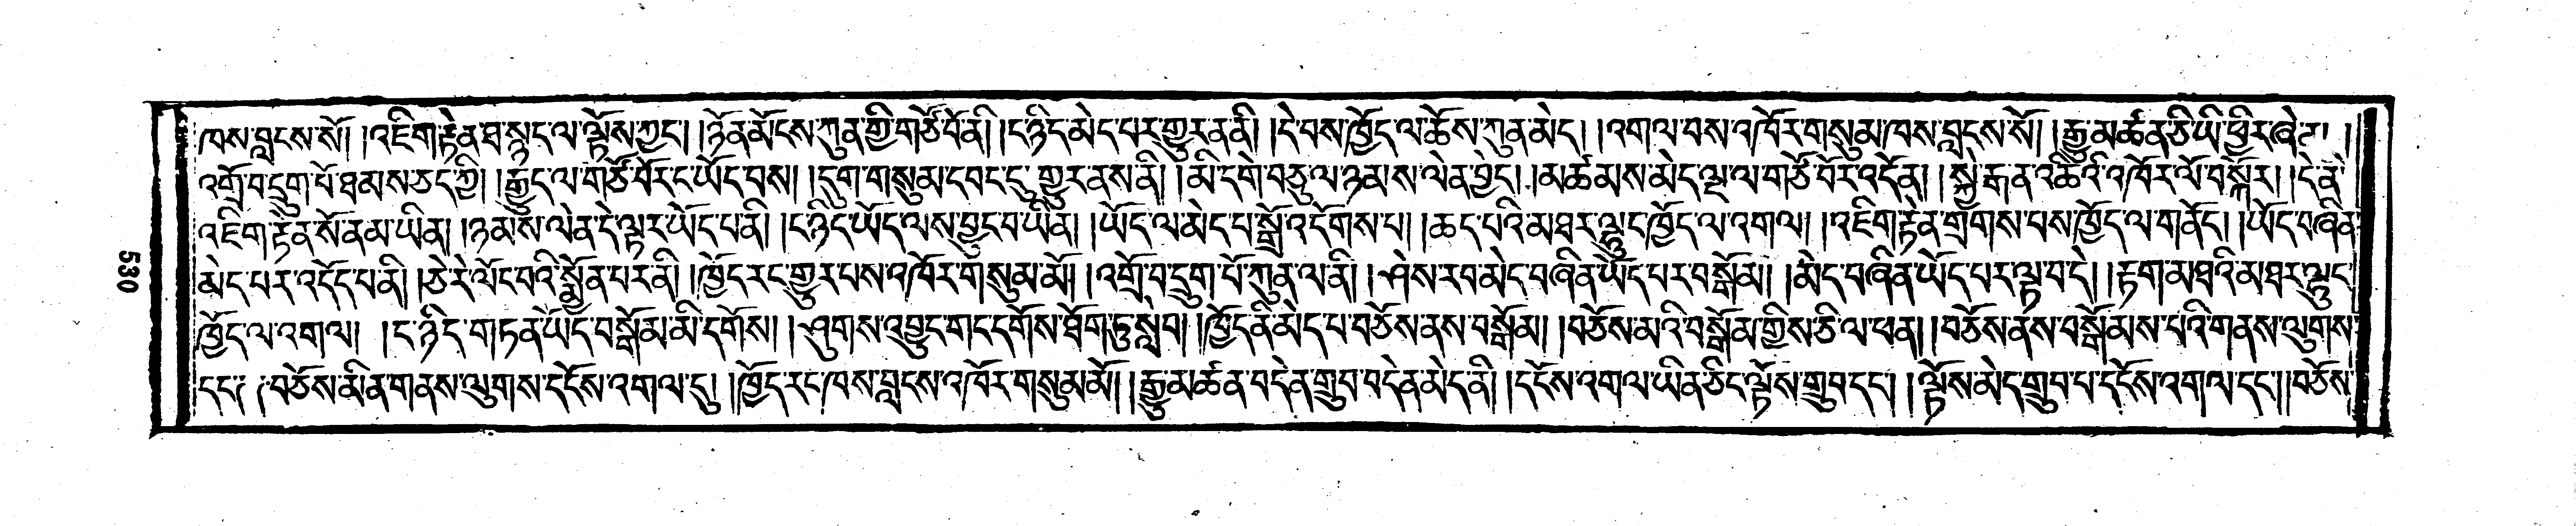ཁས་བླངས་སོ། །འཇིག་རྟེན་ཐ་སྙད་ལ་ལྟོས་ཀྱང་། །ཉོན་མོངས་ཀུན་གྱི་གཙོ་བོ་ནི། །ང་ཉིད་མེད་པར་གྱུར་ན་ནི། །དེ་བས་ཁྱོད་ལ་ཆོས་ཀུན་མེད། །འགལ་བས་འཁོར་གསུམ་ཁས་བླངས་སོ། །རྒྱུ་མཚན་ཅི་ཡི་ཕྱིར་ཞེ་ན། །
འགྲོ་བ་དྲུག་པོ་ཐམས་ཅད་ཀྱི། །རྒྱུད་ལ་གཙོ་བོར་ང་ཡོད་པས། །དུག་གསུམ་དབང་དུ་གྱུར་ནས་ནི། །མི་དགེ་བཅུ་ལ་ཉམས་ལེན་བྱེད། །མཚམས་མེད་ལྔ་ལ་གཙོ་བོར་འདོན། །སྐྱེ་རྒ་ན་འཆིའི་འཁོར་ལོ་བསྐོར། །དེ་ནི་
འཇིག་རྟེན་སོ་ནམ་ཡིན། །ཉམས་ལེན་དེ་ལྟར་ཡོད་པ་ནི། །ང་ཉིད་ཡོད་ལས་བྱུང་བ་ཡིན། །ཡོད་ལ་མེད་པ་སྒྲོ་འདོགས་པ། །ཆད་པའི་མཐར་ལྷུང་ཁྱོད་ལ་འགལ། །འཇིག་རྟེན་གྲགས་པས་ཁྱོད་ལ་གནོད། །ཡོད་བཞིན་
མེད་པར་འདོད་པ་ནི། །ཅེ་རེ་ལོང་བའི་སྨྱོན་པར་ནི། །ཁྱོད་རང་གྱུར་པས་འཁོར་གསུམ་མོ། །འགྲོ་བ་དྲུག་པོ་ཀུན་ལ་ནི། །ཤེས་རབ་མེད་བཞིན་ཡོད་པར་བསྒོམ། །མེད་བཞིན་ཡོད་པར་ལྟ་བ་དེ། །རྟག་མཐའི་མཐར་ལྷུང་
ཁྱོད་ལ་འགལ། །ང་ཉིད་གཏན་ཡོད་བསྒོམ་མི་དགོས། །ཤུགས་འབྱུང་གང་དགོས་ཐོག་ཏུ་སླེབ། །ཁྱོད་ནི་མེད་པ་བཅོས་ནས་བསྒོམ། །བཅོས་མའི་བསྒོམ་གྱི་ཅི་ལ་ཕན། །བཅོས་ནས་བསྒོམས་པའི་གནས་ལུགས་
དང༑ ༑བཅོས་མིན་གནས་ལུགས་དངོས་འགལ་དུ། །ཁྱོད་རང་ཁས་བླངས་འཁོར་གསུམ་མོ། །རྒྱུ་མཚན་བདེན་གྲུབ་བདེན་མེད་ནི། །དངོས་འགལ་ཡིན་ཅིང་ལྟོས་གྲུབ་དང་། །ལྟོས་མེད་གྲུབ་པ་དངོས་འགལ་དང་། བཅོས་